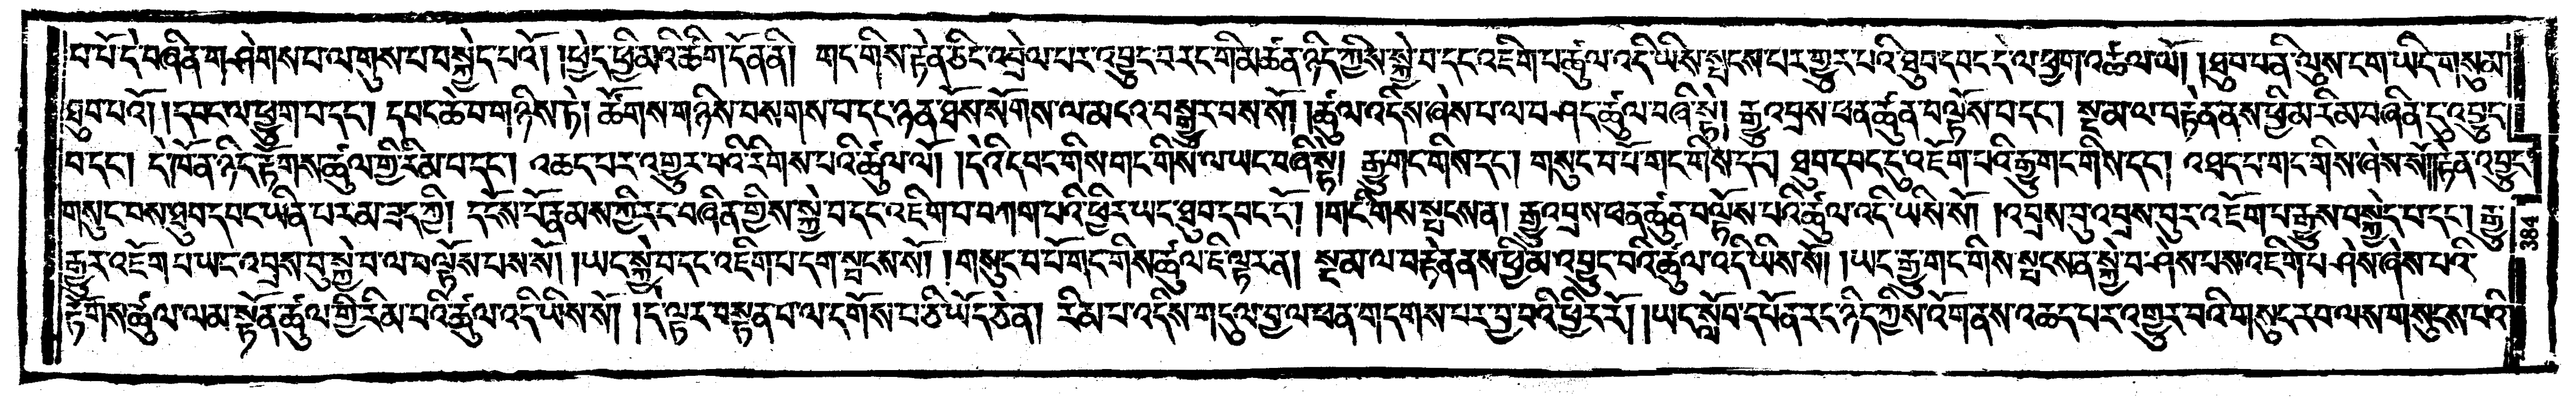པ་པོ་དེ་བཞིན་གཤེགས་པ་ལ་གུས་པ་བསྐྱེད་པའོ། །ཕྱེད་ཕྱི་མའི་ཚིག་དོན་ནི། གང་གིས་རྟེན་ཅིང་འབྲེལ་པར་འབྱུང་བ་རང་གི་མཚན་ཉིད་ཀྱིས་སྐྱེ་བ་དང་འཇིག་པ་ཚུལ་འདི་ཡིས་སྤངས་པར་གྱུར་པའི་ཐུབ་དབང་དེ་ལ་ཕྱག་འཚལ་ལོ། །ཐུབ་པ་ནི་ལུས་ངག་ཡིད་གསུམ་
ཐུབ་པའོ། །དབང་ལ་ཕྱུག་པ་དང་། དབང་ཆེ་བ་གཉིས་ཏེ། ཚོགས་གཉིས་བསགས་པ་དང་ཉན་ཐོས་སོགས་ལ་མངའ་བསྒྱུར་བས་སོ། །ཚུལ་འདིས་ཞེས་པ་ལ་བཤད་ཚུལ་བཞི་སྟེ། རྒྱུ་འབྲས་ཕན་ཚུན་བལྟོས་པ་དང་། སྔ་མ་ལ་བརྟེན་ནས་ཕྱི་མ་རིམ་བཞིན་དུ་འབྱུང་
བ་དང་། དེ་ཁོ་ན་ཉིད་རྟོགས་ཚུལ་གྱི་རིམ་པ་དང་། འཆད་པར་འགྱུར་བའི་རིགས་པའི་ཚུལ་ལོ། །དེའི་དབང་གིས་གང་གིས་ལ་ཡང་བཞི་སྟེ། རྒྱུ་གང་གིས་དང་། གསུང་བ་པོ་གང་གིས་དང་། ཐུབ་དབང་དུ་འཇོག་པའི་རྒྱུ་གང་གིས་དང་། འཐད་པ་གང་གིས་ཞེས་སོ། །རྟེན་འབྱུང་
གསུང་བས་ཐུབ་དབང་ཡིན་པར་མ་ཟད་ཀྱི། དངོས་པོ་རྣམས་ཀྱི་རང་བཞིན་གྱིས་སྐྱེ་བ་དང་འཇིག་པ་བཀག་པའི་ཕྱིར་ཡང་ཐུབ་དབང་ངོ། །གང་གིས་སྤངས་ན། རྒྱུ་འབྲས་ཕན་ཚུན་བལྟོས་པའི་ཚུལ་འདི་ཡིས་སོ། །འབྲས་བུ་འབྲས་བུར་འཇོག་པ་རྒྱུས་བསྐྱེད་པ་དང་། རྒྱུ་
རྒྱུར་འཇོག་པ་ཡང་འབྲས་བུ་སྐྱེ་བ་ལ་བལྟོས་པས་སོ། །ཡང་སྐྱེ་བ་དང་འཇིག་པ་དག་སྤངས་སོ། །གསུང་བ་པོ་གང་གིས་ཚུལ་ཇི་ལྟར་ན། སྔ་མ་ལ་བརྟེན་ནས་ཕྱི་མ་འབྱུང་བའི་ཚུལ་འདི་ཡིས་སོ། །ཡང་རྒྱུ་གང་གིས་སྤངས་ན་སྐྱེ་བ་ཤེས་པས་འཇིག་པ་ཤེས་ཞེས་པའི་
རྟོགས་ཚུལ་ལམ་སྟོན་ཚུལ་གྱི་རིམ་པའི་ཚུལ་འདི་ཡིས་སོ། །དེ་ལྟར་བསྟན་པ་ལ་དགོས་པ་ཅི་ཡོད་ཅེ་ན། རིམ་པ་འདིས་གདུལ་བྱ་ལ་ཕན་གདགས་པར་བྱ་བའི་ཕྱིར་རོ། །ཡང་སློབ་དཔོན་རང་ཉིད་ཀྱིས་འོག་ནས་འཆད་པར་འགྱུར་བའི་གསུང་རབ་ལས་གསུངས་པའི་